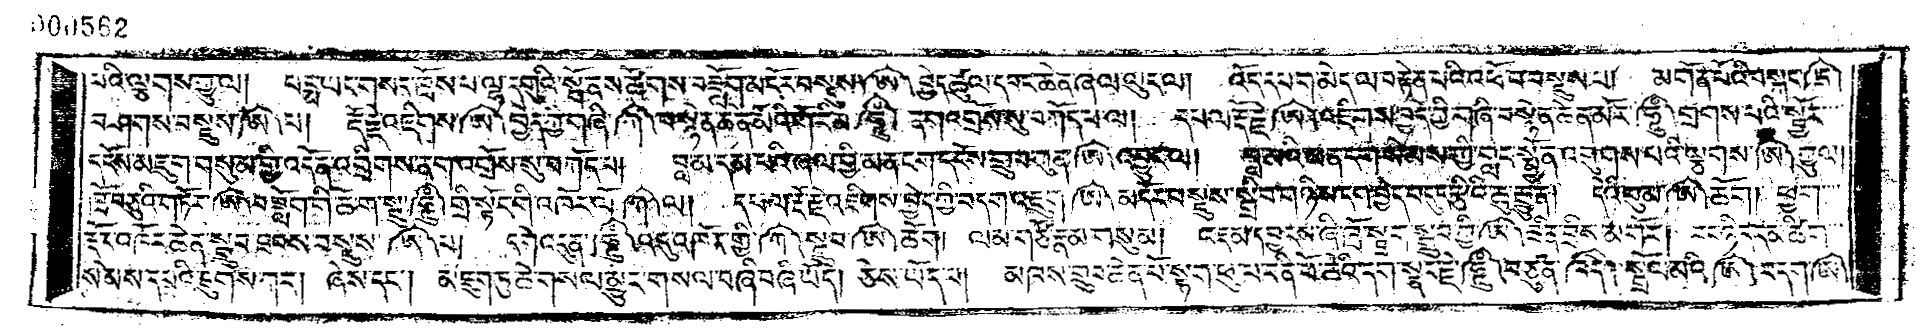པའི་ལྕགས་ཀྱུ་ལ། པདམ་ཡང་གསང་ཁྲོས་པ་ལྷ་དགུའི་སྒོ་ནས་ཚོགས་བཟློག་མདོར་བསྡུས ༼ཨ༽ བྱེད་ཚུལ་དབང་ཆེན་ཞལ་ལུང་ལ། འོད་དཔག་མེད་ལ་བརྟེན་པའི་འཕོ་བ་བསྡུས་པ། མགོན་པོའི་བསྐང་
བཤགས་བསྡུས ༼ཨ༽ པ། རྡོ་རྗེ་འཇིགས ༼ཨ༽ བྱེད་ཀྱི་གཞི ༼ཨ༽ བསྙེན་ཆེན་མོའི་གོ་རིམ ༼ཧཱུཾ༽ ནག་འགྲོས་སུ་བཀོད་པ་ལ། དཔལ་རྡོ་རྗེ ༼ཨ༽ འཇིགས་བྱེད་ཀྱི་གཞི་བསྙེན་ཆེན་མོར ༼ཧཱུཾ༽ གྲགས་པའི་སྦྱོར་
དངོས་མཇུག་གསུམ་གྱི་འདོན་འགྲིགས་ནག་འགྲོས་སུ་བཀོད་པ། བླ་མ་དམ་པའི་ཞལ་གྱི་མན་ངག་དངོས་གྲུབ་ཀུན ༼ཨ༽ འབྱུང་ལ། བླ་མའི་མན་ངག་སེམས་ཀྱི་བླང་སྨྱོན་འགུགས་པའི་ལྕགས ༼ཨ༽ ཀྱུལ།
ཁྲོ་བཅུའི་གཏོར ༼ཨ༽ བཟློག་གི་ཆོ་ག་སྤུ ༼ཧཱུཾ༽ གྲི་སྟོང་གི་འཁོར་ལོ ༼ཀ༽ ལ། དཔལ་རྡོ་རྗེ་འཇིགས་བྱེད་ཀྱི་བདག་འཇུག ༼ཨ༽ མདོར་བསྡུས་སྒྲིབ་གཉིས་དག་བྱེད་བདུད་རྩིའི་ཆུ་རྒྱུན། དེའི་བུམ ༼ཨ༽ ཆོག། ཕྱག་
རྡོར་འཁོར་ཆེན་སྒྲུབ་ཐབས་བསྡུས ༼ཨ༽ པ། དགེ་འདུན ༼ཧཱུཾ༽ འདུ་འཁོར་གྱི ༼ཀ༽ སྒྲུབ ༼ཨ༽ ཆོག། ལམ་གཙོ་རྣམ་གསུམ། འཇམ་དབྱངས་ཞི་ཁྲོ་སྦྲག་སྒྲུབ་ཀྱི ༼ཨ༽ ཟིན་བྲིས་མགོར། རང་ཉིད་དམ་ཚིག་
སེམས་དཔའི་ཐུགས་ཀར། ཞེས་དང་། མཇུག་ཏུ་ཆེ་གསལ་མྱུར་གསལ་བཞི་བཞི་ཡོད། ཅེས་ཡོད་པ། མཁས་གྲུབ་ཆེན་པོ་སྟག་ཕུ་པ་རིན་པོ་ཆེའི་དག་སྣང་རྗེ ༼ཧཱུཾ༽ བཙུན ༼བདེ༽ སྒྲོལ་མའི ༼ཨ༽ བདག ༼ཨ༽